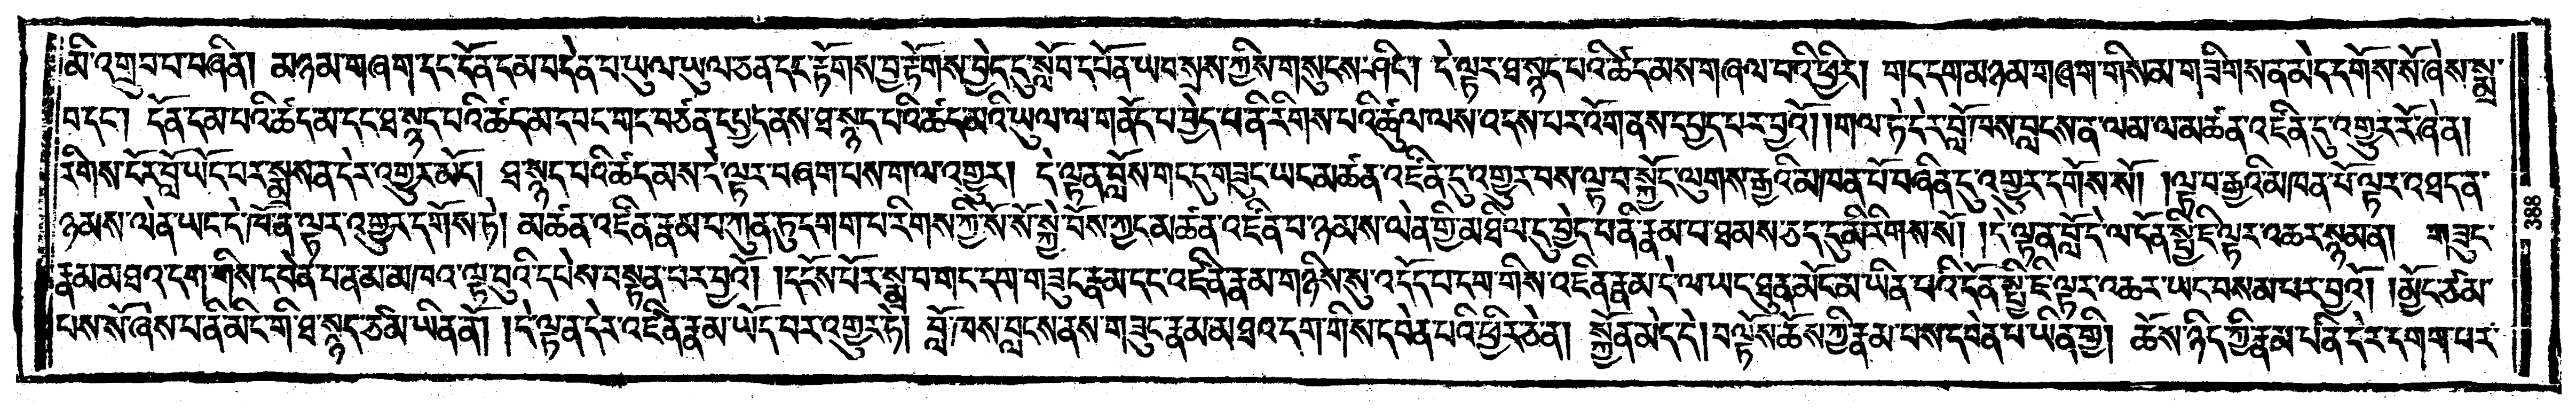མི་འགྲུབ་པ་བཞིན། མཉམ་གཞག་དང་དོན་དམ་བདེན་པ་ཡུལ་ཡུལ་ཅན་དང་རྟོགས་བྱ་རྟོགས་བྱེད་དུ་སློབ་དཔོན་ཡབ་སྲས་ཀྱིས་གསུངས་ཤིང་། དེ་ལྟར་ཐ་སྙད་པའི་ཚད་མས་གཞལ་བའི་ཕྱིར། གང་དག་མཉམ་གཞག་གིས་མ་གཟིགས་ན་མེད་དགོས་སོ་ཞེས་སྨྲ་
བ་དང་། དོན་དམ་པའི་ཚད་མ་དང་ཐ་སྙད་པའི་ཚད་མ་དབང་གང་བཙན་དཔྱད་ནས་ཐ་སྙད་པའི་ཚད་མའི་ཡུལ་ལ་གནོད་པ་བྱེད་པ་ནི་རིགས་པའི་ཚུལ་ལས་འདས་པར་འོག་ནས་དཔྱད་པར་བྱའོ། །གལ་ཏེ་དེར་བློ་ཁས་བླངས་ན་ལམ་ལ་མཚན་འཛིན་དུ་འགྱུར་རོ་ཞེ་ན།
རིགས་ངོར་བློ་ཡོད་པར་སྨྲས་ན་དེར་འགྱུར་མོད། ཐ་སྙད་པའི་ཚད་མས་དེ་ལྟར་བཞག་པས་ག་ལ་འགྱུར། དེ་ལྟ་ན་བློས་གང་དུ་གཟུང་ཡང་མཚན་འཛིན་དུ་འགྱུར་བས་ལྟ་བ་སྐྱོང་ལུགས་རྒྱའི་མཁན་པོ་བཞིན་དུ་འགྱུར་དགོས་སོ། །ལྟ་བ་རྒྱའི་མཁན་པོ་ལྟར་འཐད་ན་
ཉམས་ལེན་ཡང་དེ་ཁོ་ན་ལྟར་འགྱུར་དགོས་ཏེ། མཚན་འཛིན་རྣམ་པ་ཀུན་ཏུ་དགག་པ་རིགས་ཀྱི་སོ་སོ་སྐྱེ་བོས་ཀྱང་མཚན་འཛིན་པ་ཉམས་ལེན་གྱི་མཐིལ་དུ་བྱེད་པ་ནི་རྣམ་པ་ཐམས་ཅད་དུ་མི་རིགས་སོ། །དེ་ལྟ་ན་བློ་དེ་ལ་དོན་སྤྱི་ཇི་ལྟར་འཆར་སྙམ་ན། གཟུང་
རྣམ་མཐའ་དག་གིས་དབེན་པ་ནམ་མཁའ་ལྟ་བུའི་དཔེས་བསྟན་པར་བྱའོ། །དངོས་པོར་སྨྲ་བ་གང་དག་གཟུང་རྣམ་དང་འཛིན་རྣམ་གཉིས་སུ་འདོད་པ་དག་གིས་འཛིན་རྣམ་དེ་ལ་ཡང་ཐུན་མོང་མ་ཡིན་པའི་དོན་སྤྱི་ཇི་ལྟར་འཆར་ཡང་བསམ་པར་བྱའོ། །མྱོང་ཙམ་
པས་སོ་ཞེས་པ་ནི་མིང་གི་ཐ་སྙད་ཙམ་ཡིན་ནོ། །དེ་ལྟ་ན་དེར་འཛིན་རྣམ་ཡོད་པར་འགྱུར་ཏེ། བློ་ཁས་བླངས་ནས་གཟུང་རྣམ་མཐའ་དག་གིས་དབེན་པའི་ཕྱིར་ཅེ་ན། སྐྱོན་མེད་དེ། བལྟོས་ཆོས་ཀྱི་རྣམ་པས་དབེན་པ་ཡིན་གྱི། ཆོས་ཉིད་ཀྱི་རྣམ་པ་ནི་དེར་དགག་པར་